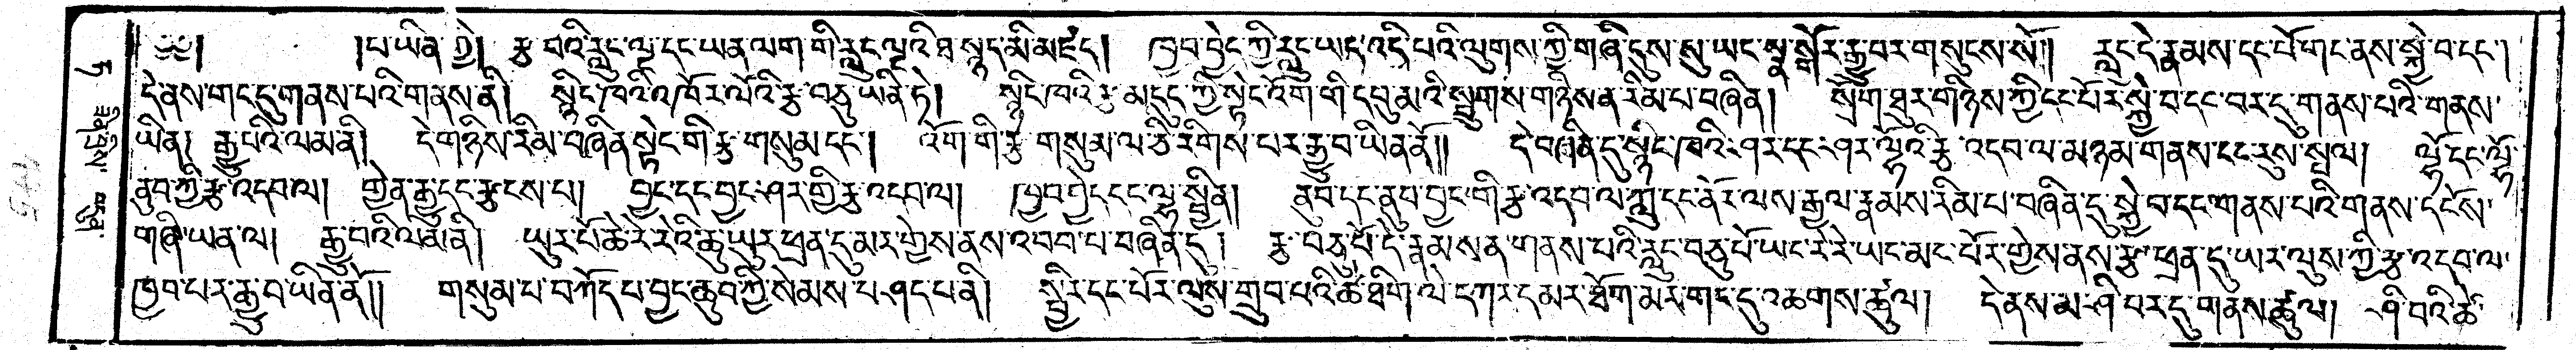༄༅། །པ་ཡིན་གྱི། རྩ་བའི་རླུང་ལྔ་དང་ཡན་ལག་གི་རླུང་ལྔའི་ཐ་སྙད་མི་མཛད། ཁྱབ་བྱེད་ཀྱི་རླུང་ཡང་འདི་པའི་ལུགས་ཀྱི་གཞི་དུས་སུ་ཡང་སྣ་སྒོར་རྒྱུ་བར་གསུངས་སོ། རླུང་དེ་རྣམས་དང་པོ་གང་ནས་སྐྱེ་བ་དང་།
དེ་ནས་གང་དུ་གནས་པའི་གནས་ནི། སྙིང་ཁའི་འཁོར་ལོའི་རྩ་བཅུ་ཡིན་ཏེ། སྙིང་ཁའི་རྩ་མདུད་ཀྱི་སྟེང་འོག་གི་དབུ་མའི་སྦུགས་གཉིས་ན་རིམ་པ་བཞིན། སྲོག་ཐུར་གཉིས་ཀྱི་དང་པོར་སྐྱེ་བ་དང་བར་དུ་གནས་པའི་གནས་
ཡིན༑ རྒྱུ་པའི་ལམ་ནི། དེ་གཉིས་རིམ་བཞིན་སྟེང་གི་རྩ་གསུམ་དང་། འོག་གི་རྩ་གསུམ་ལ་ཅི་རིགས་པར་རྒྱུ་བ་ཡིན་ནོ།། དེ་བཞིན་དུ་སྙིང་ཁའི་ཤར་དང་ཤར་ལྷོའི་རྩི་འདབ་ལ་མཉམ་གནས་དང་རུས་སྤལ། ལྷོ་དང་ལྷོ་
ནུབ་ཀྱི་རྩ་འདབ་ལ། གྱེན་རྒྱུ་དང་རྩངས་པ། བྱང་དང་བྱང་ཤར་གྱི་རྩ་འདབ་ལ། ཁྱབ་བྱེད་དང་ལྷ་སྦྱིན། ནུབ་དང་ནུབ་བྱང་གི་རྩ་འདབ་ལ་ཀླུ་དང་ནོར་ལས་རྒྱལ་རྣམས་རིམ་པ་བཞིན་དུ་སྐྱེ་བ་དང་གནས་པའི་གནས་དངོས་
གཞི་ཡན་ལ། རྒྱུ་བའི་ལམ་ནི། ཡུར་པོ་ཆེ་རེ་རེའི་ཆུ་ཡུར་ཕྲན་དུ་མར་གྱེས་ནས་འབབ་པ་བཞིན་དུ། རྩ་བཅུ་པོ་དེ་རྣམས་ན་གནས་པའི་རླུང་བཅུ་པོ་ཡང་རེ་རེ་ཡང་མང་པོར་གྱེས་ནས་རྩ་ཕྲན་དུ་ཡར་ལུས་ཀྱི་རྩ་འདབ་ལ་
ཁྱབ་པར་རྒྱུ་བ་ཡིན་ནོ།། གསུམ་པ་བཀོད་པ་བྱང་ཆུབ་ཀྱི་སེམས་བཤད་པ་ནི། སྦྱིར་དང་པོར་ལུས་གྲུབ་པའི་ཚེ་ཐིག་ལེ་དཀར་དམར་ཐོག་མར་གང་དུ་འཆགས་ཚུལ། དེ་ནས་མ་ཤི་བར་དུ་གནས་ཚུལ། ཤི་བའི་ཚེ་